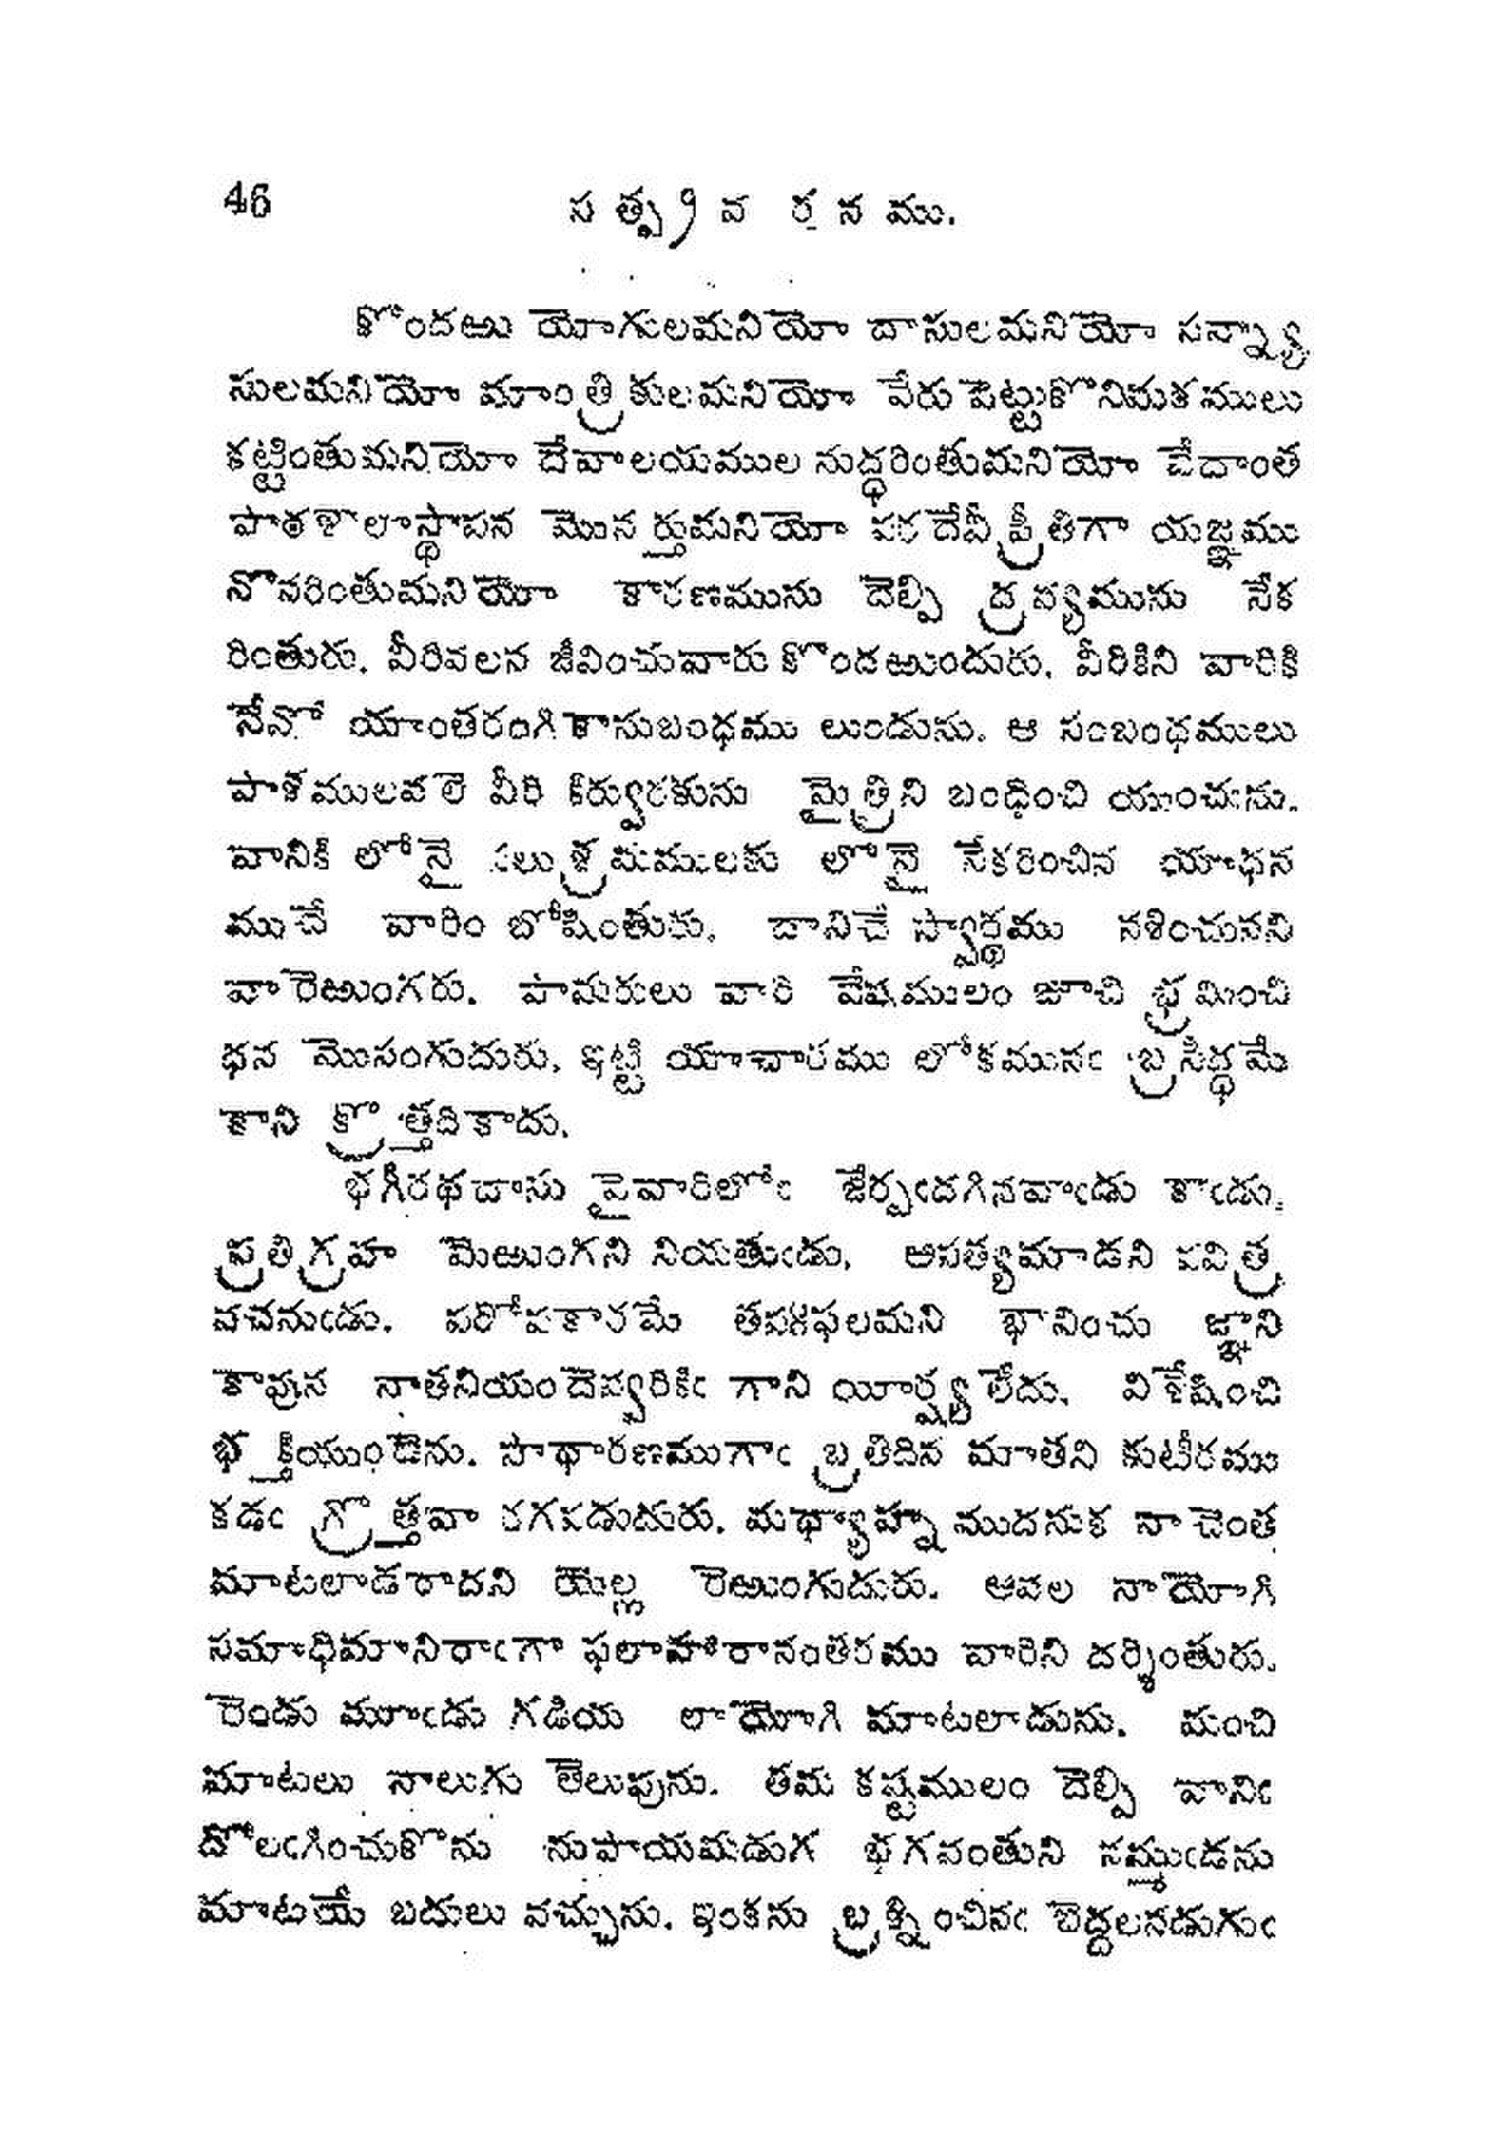కొందఱు యోగులమనియో దాసులమనియో సన్యాసులమని యో మాంత్రికులమనియో పేరు పెట్టుకొని మఠములు కట్టింతుమని యో దేవాలయముల నుద్దరింతుమని యో వేదాంత పాఠశాల స్థాపన మొనర్తుమనియో పర దేవీ ప్రీతిగా యజ్ఞము నొనరింతుమనియో కారణమును దెల్పి ద్రవ్యయమును సేకరింతురు. వీరివలన జీవించువారు కొందఱుందురు. వీరికిని వారికి నేనో యాంతరంగి గానుబంధము లుండును. ఆ సంబంధములు పాశములవలె వీరి కర్వురకును మైత్రిని బంధించి యుంచును. వానికి లోనై పలుశ్రమములకు లోనై సేకరించిన యాధనముచే వారింబోషింతురు, దానిచే స్వార్థము నశించునని వారెఱుంగరు. పామరులు వారి వేషములం జూచీ భ్రమించి ధన మొసంగుదురు. ఇట్టి యాచారము లోకమునఁ బ్రసిద్ధమే కొని కొ త్తది కాదు.
భగీరథ దాసు నివారిలోఁ జేర్పఁదగినవాడు కాడు, ప్రతిగ్రహ మేఱుంగని నియతుఁడు, అసత్యమాడని పవిత్ర, నచనుఁడు. పరోపకారమే తపఃఫలమని భావించు జ్ఞాని కావున నాతనియందెవ్వరికి గాని యీర్యలేదు, విశేషించి భక్తియుండెను. సాధారణముగాఁ బ్రతిదిన మాతని కుటీరము కడం గ్రొత్తవారగపడుదురు. మధ్యాహ్నముదనుక నా చెంత మాటలాడరాదని మెల్ల రెఱుంగుదురు. ఆపల నాయోగి సమాధి మానిరాఁగా ఫలాహారానంతరము వారిని దర్శింతురు. "రెండు మూడు గడియలా యోగి మాటలాడును. మంచి మాటలు నాలుగు తెలుపును. తమ కష్టములం దెల్సి వానిఁ దొలఁగించుకొను నుపాయమడుగ భగవంతుని సమ్ముడను మాటయే బదులు వచ్చును. ఇంకను బ్రశ్నించినఁ బెద్దలనడుగుఁ